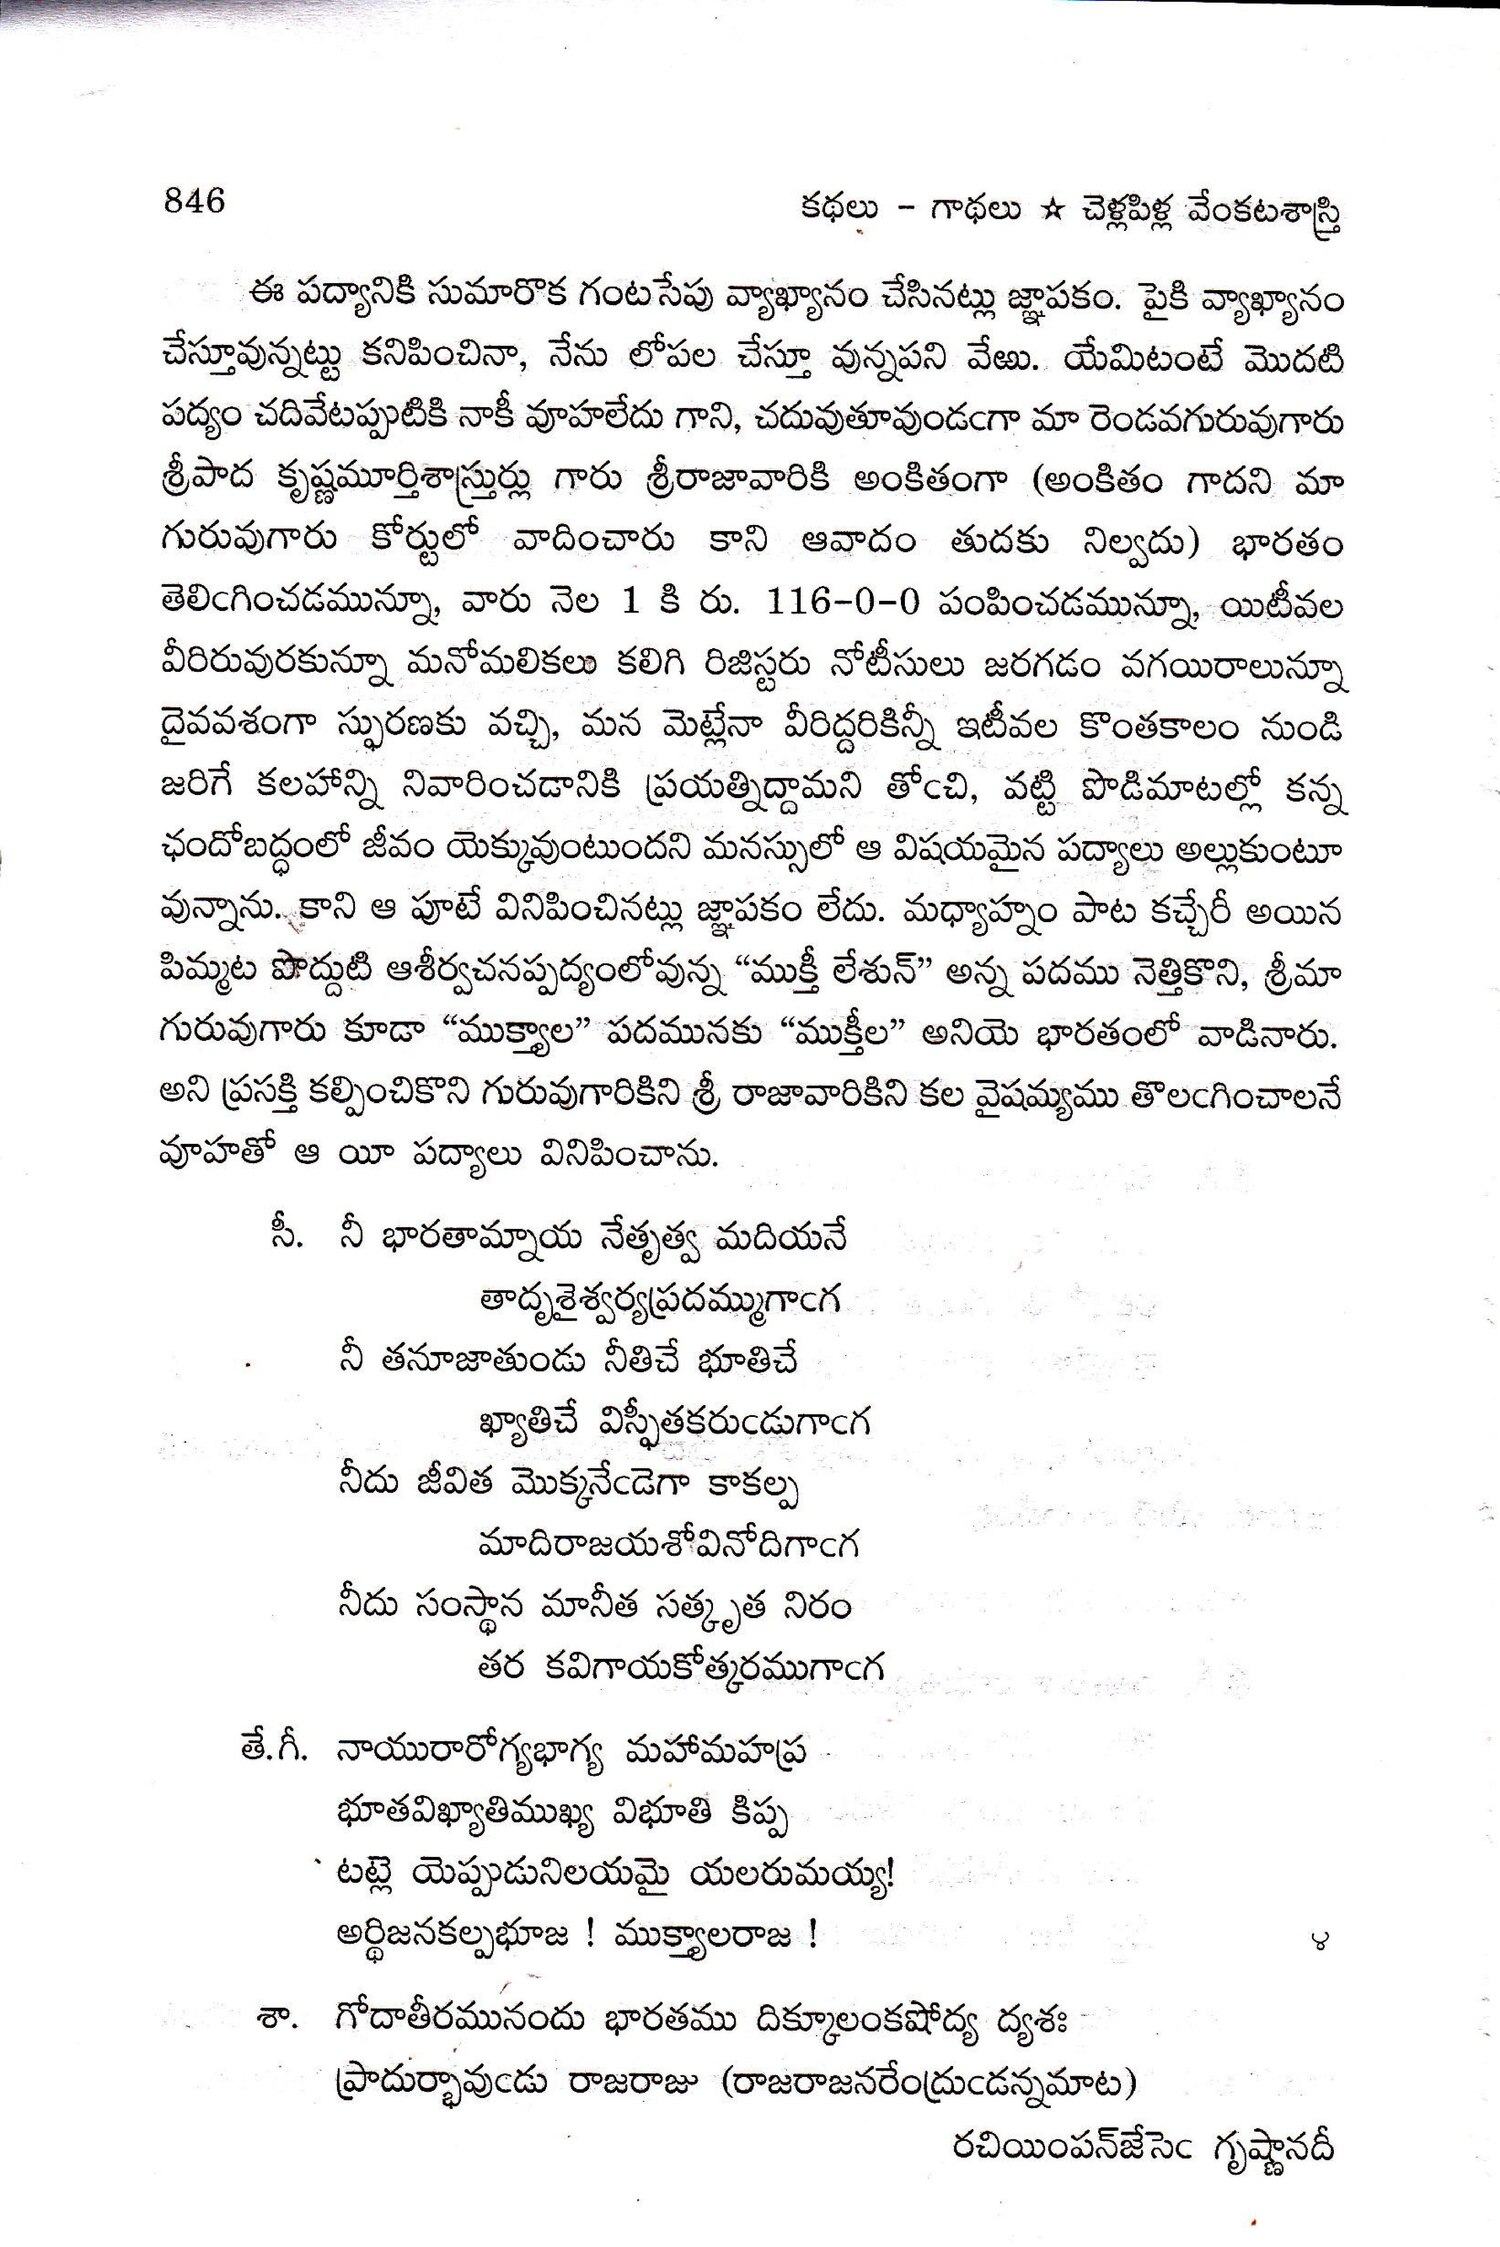ఈ పద్యానికి సుమారొక గంటసేపు వ్యాఖ్యానం చేసినట్లు జ్ఞాపకం. పైకి వ్యాఖ్యానం చేస్తూవున్నట్టు కనిపించినా, నేను లోపల చేస్తూ వున్నపని వేఱు. యేమిటంటే మొదటి పద్యం చదివేటప్పటికి నాకీ వూహలేదు గాని, చదువుతూవుండఁగా మా రెండవగురువుగారు శ్రీపాద కృష్ణమూర్తిశాస్త్రుర్లు గారు శ్రీరాజావారికి అంకితంగా (అంకితం గాదని మూ గురువుగారు కోర్టులో వాదించారు కాని ఆవాదం తుదకు నిల్వదు) భారతం తెలిఁగించడమున్నూ, వారు నెల 1 కి రు. 116–0–0 పంపించడమున్నూ యిటీవల వీరిరువురకున్నూ మనోమలికలు కలిగి రిజిస్టరు నోటీసులు జరగడం వగయిరాలున్నూ దైవవశంగా స్ఫురణకు వచ్చి, మన మెట్లేనా వీరిద్దరికిన్నీ ఇటీవల కొంతకాలం నుండి జరిగే కలహాన్ని నివారించడానికి ప్రయత్నిద్దామని తోఁచి, వట్టి పొడిమాటల్లో కన్న ఛందోబద్ధంలో జీవం యెక్కువుంటుందని మనస్సులో ఆ విషయమైన పద్యాలు అల్లుకుంటూ వున్నాను. కాని ఆ పూటే వినిపించినట్లు జ్ఞాపకం లేదు. మధ్యాహ్నం పాట కచ్చేరీ అయిన పిమ్మట పొద్దుటి ఆశీర్వచనప్పద్యంలోవున్న "ముక్తీ లేశున్” అన్న పదము నెత్తికొని, శ్రీమా గురువుగారు కూడా "ముక్త్యాల” పదమునకు “ముక్తీల" అనియె భారతంలో వాడినారు. అని ప్రసక్తి కల్పించికొని గురువుగారికిని శ్రీ రాజావారికిని కల వైషమ్యము తొలఁగించాలనే వూహతో ఆ యీ పద్యాలు వినిపించాను.

సీ. నీ భారతామ్నాయ నేతృత్వ మదియనే
 తాదృశైశ్వర్యప్రదమ్ముగాఁగ
 నీ తనూజాతుండు నీతిచే భూతిచే
 ఖ్యాతిచే విస్ఫీతకరుఁడుగాఁగ
 నీదు జీవిత మొక్కనేఁడెగా కాకల్ప
 మాదిరాజయశోవినోదిగాఁగ
 నీదు సంస్థాన మానీత సత్కృత నిరం
 తర కవిగాయకోత్కరముగాఁగ

తే.గీ. నాయురారోగ్యభాగ్య మహామహప్ర
 భూతవిఖ్యాతిముఖ్య విభూతి కిప్ప 
 టట్లే యెప్పుడునిలయమై యలరుమయ్య! 
 అర్ధిజనకల్పభూజ ! ముక్త్యాలరాజ ! - 4

శా. గోదాతీరమునందు భారతము దిక్కూలంకషోద్య ద్యశః
 ప్రాదుర్భావుఁడు రాజరాజు (రాజరాజనరేంద్రుఁడన్నమాట)
 రచియింపన్‌జేసెఁ గృష్ణానదీ